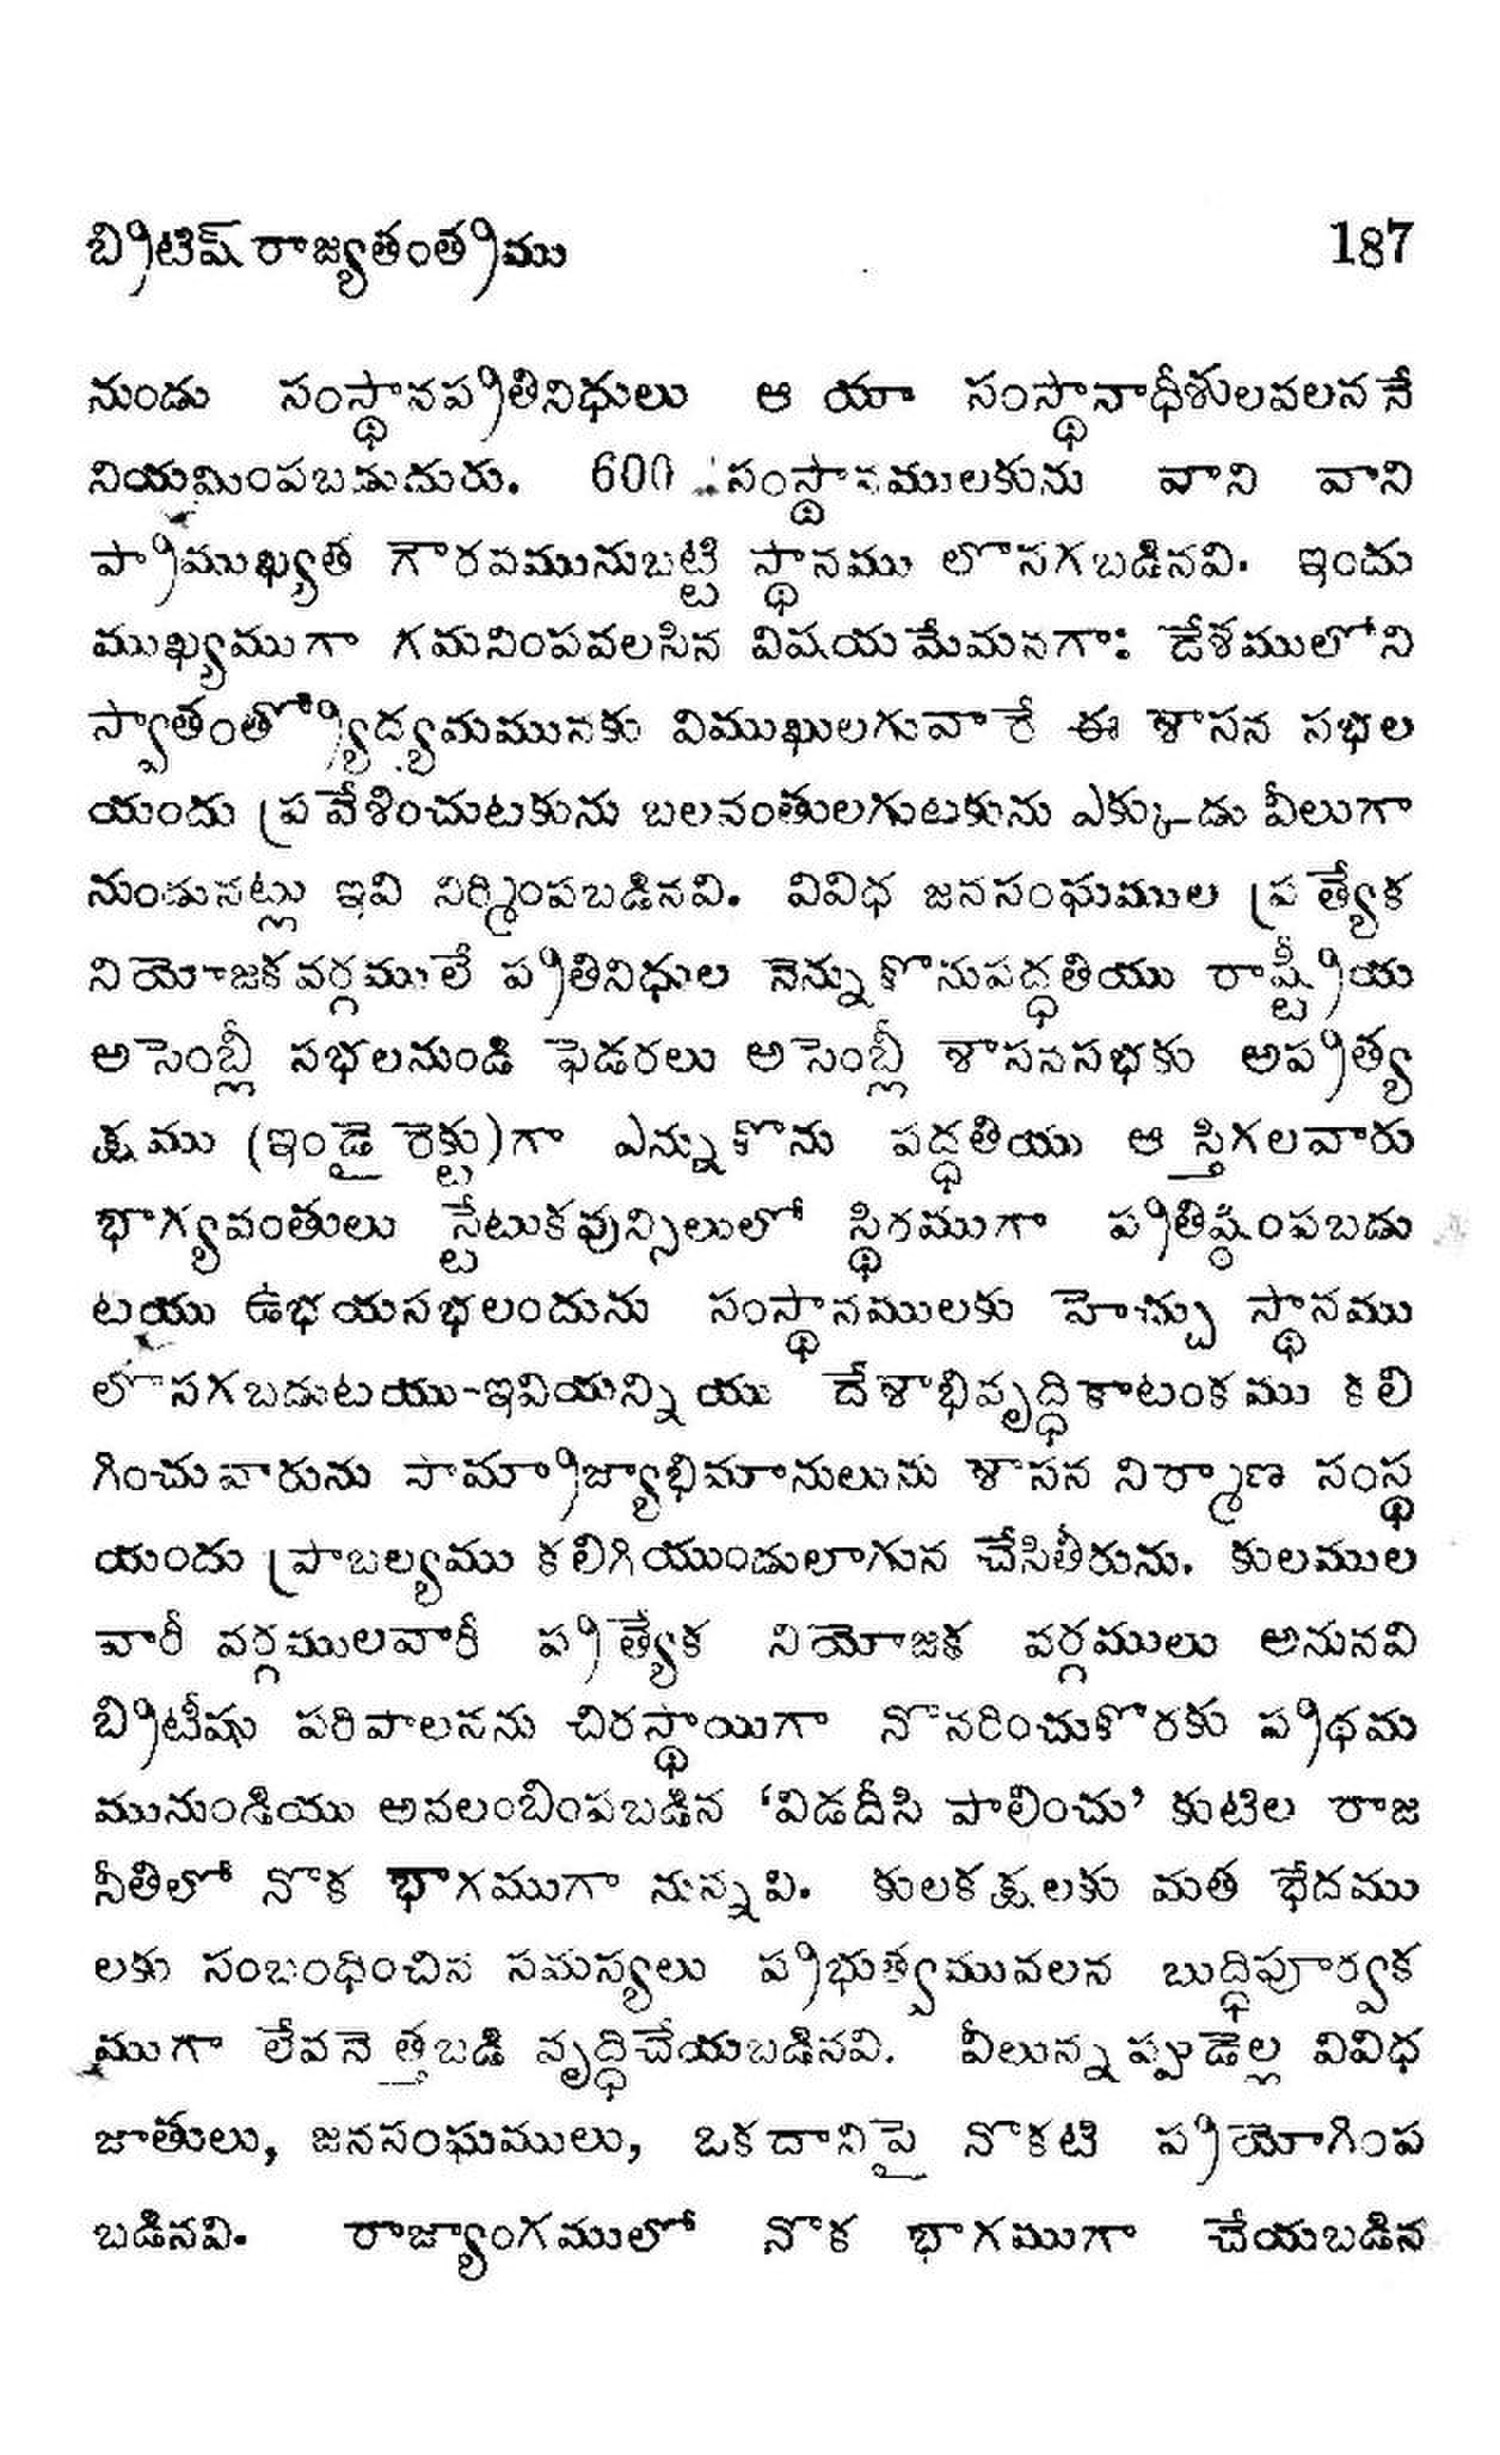నుండు సంస్థానప్రతినిధులు ఆ యా సంస్థానాధీశులవలననే నియమింపబడుదురు. 600 సంస్థానములకును వాని వాని ప్రాముఖ్యత గౌరవమునుబట్టి స్థానము లొసగబడినవి. ఇందు ముఖ్యముగా గమనింపవలసిన విషయమేమనగా: దేశములోని స్వాతంత్ర్యోద్యమమునకు విముఖులగువారే ఈ శాసన సభల యందు ప్రవేశించుటకును బలవంతులగుటకును ఎక్కుడు వీలుగా నుండునట్లు ఇవి నిర్మింపబడినవి. వివిధ జనసంఘముల ప్రత్యేక నియోజకవర్గములే ప్రతినిధుల నెన్ను కొనుపద్ధతియు రాష్ట్రీయ అసెంబ్లీ సభలనుండి ఫెడరలు అసెంబ్లీ శాసనసభకు అప్రత్యక్షము (ఇండై రెక్టు)గా ఎన్నుకొను పద్దతియు ఆస్తిగలవారు భాగ్యవంతులు స్టేటుకవున్సిలులో స్థిరముగా ప్రతిష్ఠింపబడుటయు ఉభయసభలందును సంస్థానములకు హెచ్చు స్థానము లొసగబడుటయు-ఇవియన్నియు దేశాభివృద్ధికాటంకము కలిగించువారును సామ్రాజ్యాభిమానులును శాసన నిర్మాణ సంస్థ యందు ప్రాబల్యము కలిగియుండులాగున చేసితీరును. కులముల వారీ వర్గములవారి ప్రత్యేక నియోజక వర్గములు అనునవి బ్రిటీషు పరిపాలనను చిరస్థాయిగా నొనరించుకొరకు ప్రథమమునుండియు అవలంబింపబడిన 'విడదీసి పాలించు' కుటిల రాజనీతిలో నొక భాగముగా నున్నవి. కులకక్షలకు మత భేదములకు సంబంధించిన సమస్యలు ప్రభుత్వమువలన బుద్ధిపూర్వకముగా లేవనెత్తబడి వృద్ధిచేయబడినవి. వీలున్నప్పుడెల్ల వివిధ జాతులు, జనసంఘములు, ఒకదానిపై నొకటి ప్రయోగింపబడినవి. రాజ్యాంగములో నొక భాగముగా చేయబడిన